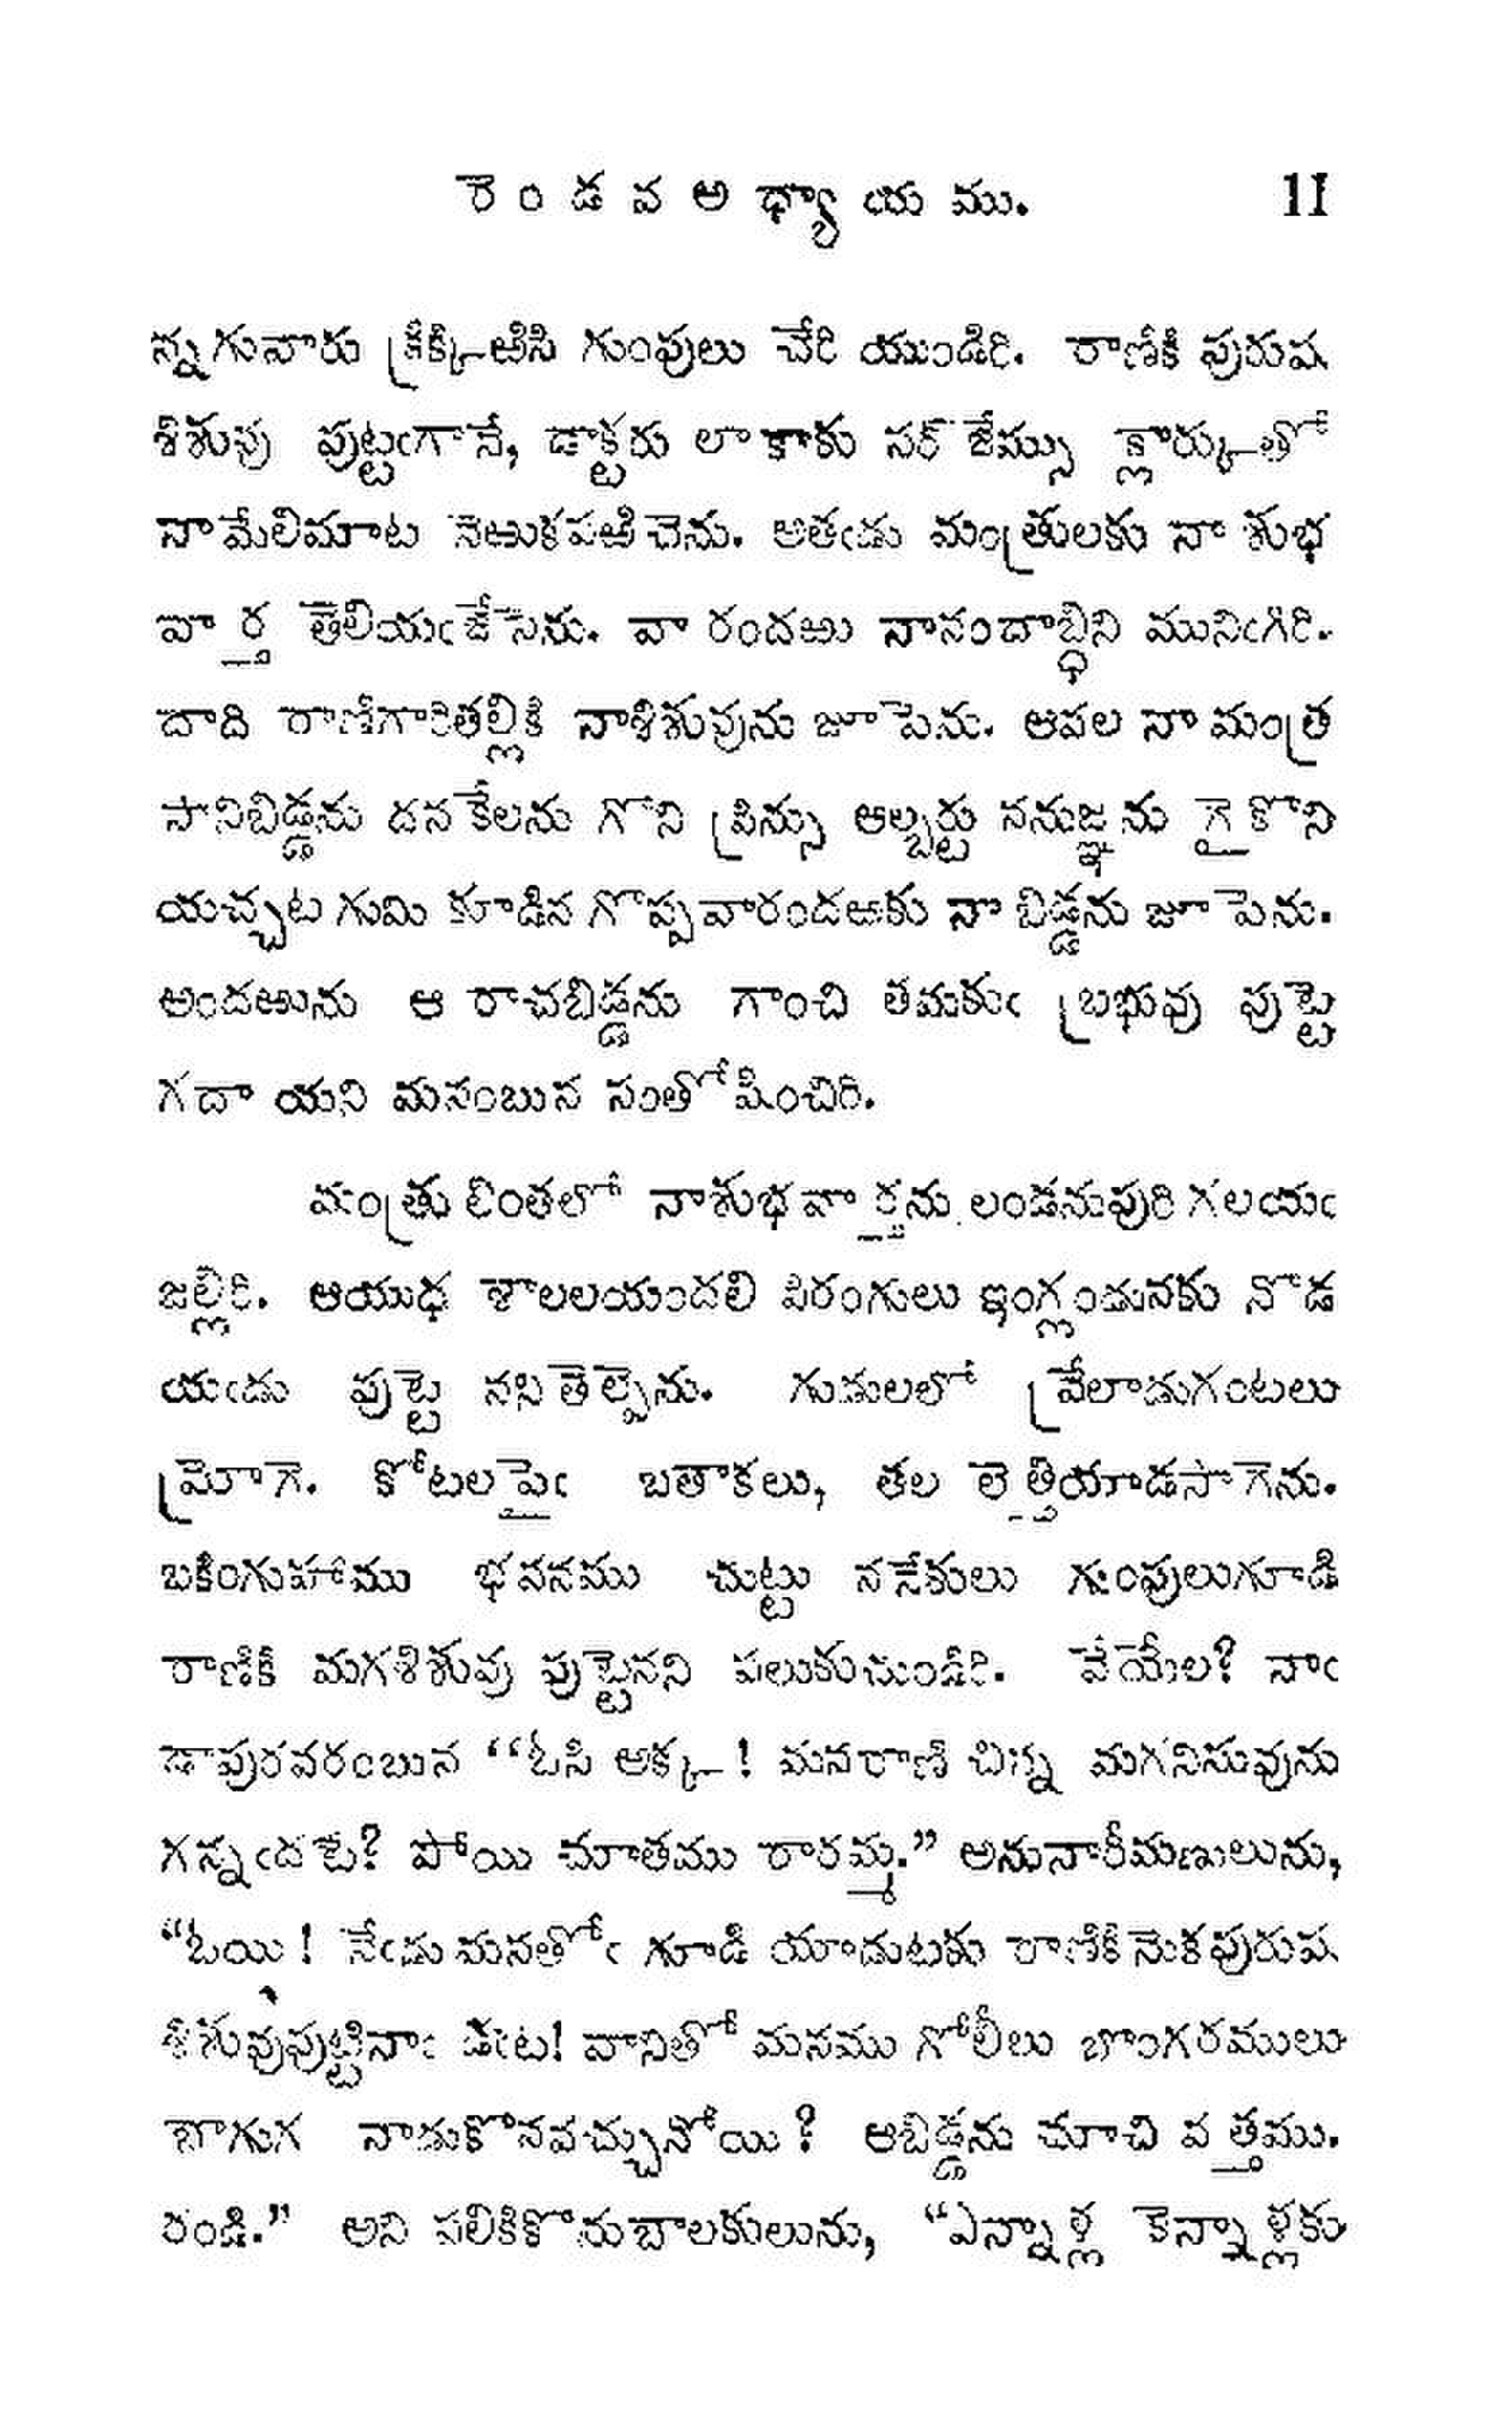న్నగువారు క్రిక్కిఱిసి గుంపులు చేరి యుండిరి. రాణీకి పురుష శిశుపు పుట్టగానే, డాక్టరు లా కాకు సర్ జేస్సు క్లార్కుతో నామేలిమాట 'నెరుక పఱచెను. అతఁడు మంత్రులకు నా శుభ
వార్త తెలియఁ జేసెను. వా రందజు నానం దాబ్దిని మునిఁగిరి దాది రాణిగారి తల్లికి నాశిశువును జూపెను. ఆపల నామంత్ర సానిబిడ్డను దన కేలను గొని ప్రిన్సు ఆల్బర్టు ననుజ్ఞను గైకొని
యచ్చట గుమి కూడిన గొప్ప వారండఱకు నా బిడ్డను జూపెను. అందురు ఆ రాచబిడ్డను గాంచి తమకుఁ బ్రభువు పుట్టెగదా యని మనంబున సంతోషించిరి.

మంత్రు లింతలో నాశుభ వార్తను లండనుపురి గలయ జల్లిరి. ఆయుధ శాలలయందలి పెరంగులు ఇంగ్లండునకు నోడయఁడు పుట్టె నని తెల్పెను. గుడులలో వ్రేలాడుగంటలుమ్రోగె. కోటల పై బతాకలు, తల 'లెత్తియాడసాగెను. బకింగుహాము భసనము చుట్టు ననేకులు గుంపులుగూడి
రాణికి మగశిశువు పుట్టెనని పలుకు నుండిరి. వేయేల? నాఁ పురవరంబున “ఓసీ అక్క ! మనకాణి చిన్న మగశిసువును గన్నందటే? పోయి చూతము రారమ్ము.” అనునారీమణులును,
"ఓయి! "నేడు మనతో గూడి యాడుటకు రాణికి ఒక పురుష శిశువు పుట్టినాడట! వానితో మసము గోలీలు బొంగరములు బాగుగ నాడుకోనవచ్చునోయి ? అబిడ్డను చూచి వత్తము. రండి." అని పలికికొను బాలకులును, “ఎన్నాళ్ల కెన్నాళ్లకు